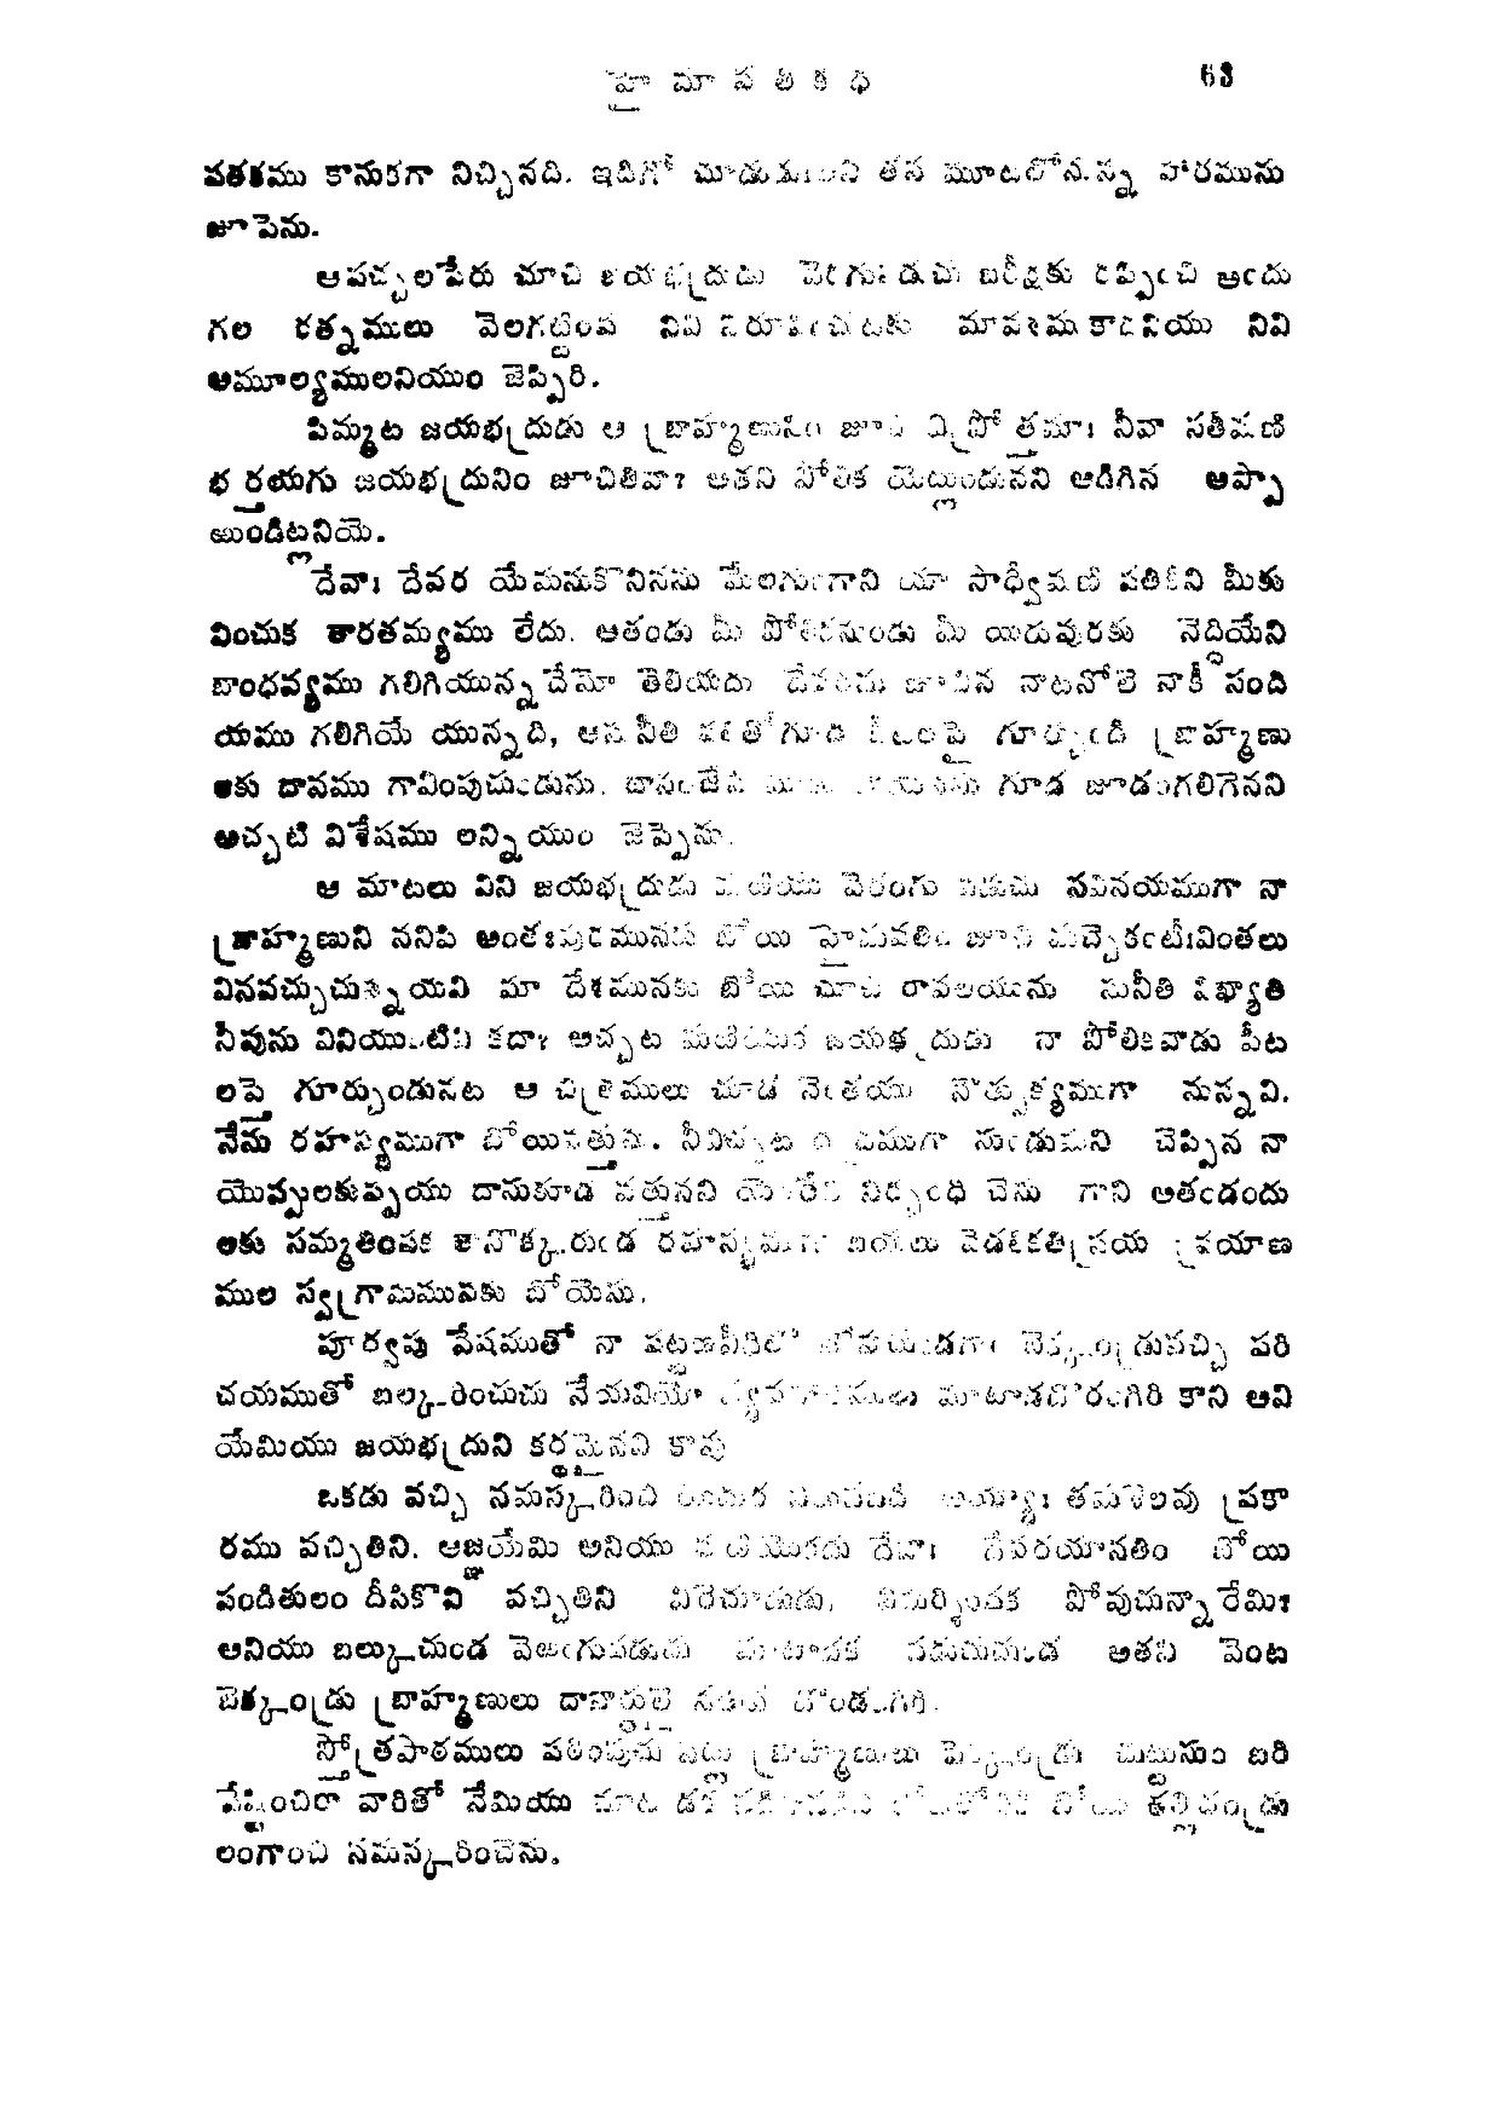పతకము కానుకగా నిచ్చినది. ఇదిగో చూడుడు అని తన మూటలోనున్న హారమును జూపెను.

ఆపచ్చలపేరు చూచి జయభద్రుడు వెరగుపడుచు బరీక్షకు రప్పించి అందుగల రత్నములు వెలగట్టింప నివి నిరూపించుటకు మావశము కాదనియు నివి అమూల్యములనియుం జెప్పిరి.

పిమ్మట జయభద్రుడు ఆ బ్రాహ్మణునిం జూచి విప్రోత్తమా! నీవా సతీమణి భర్తయగు జయభద్రునిం జూచితివా? అతని పోలిక యెట్లుండునని అడిగిన అప్పాఱుండిట్లనియె.

దేవా! దేవర యేమనుకొనినను మేలగుఁగాని యా సాధ్వీమణి పతికిని మీకు నించుక తారతమ్యము లేదు. ఆతండు మీ పోలికనుండు మీ యిరువురకు నెద్దియేని బాంధవ్యము గలిగియున్నదేమో తెలియదు దేవరను జూచిన నాటవోలె నాకీ సందియము గలిగియే యున్నది, ఆసునీతి పతితోగూడ బీటలపై గూర్చుండి బ్రాహ్మణులకు దానము గావింపుచుండును. దానంజేసి మాకు ఆయనను గూడ జూడంగలిగెనని అచ్చటి విశేషము లన్నియుం జెప్పెను.

ఆ మాటలు విని జయభద్రుడు మఱియు వెరంగు పడుచు సవినయముగా నా బ్రాహ్మణుని ననిపి అంతఃపురమునకు బోయి హైమవతింజూచి మచ్చెకంటీ! వింతలు వినవచ్చుచున్నయవి మా దేశమునకు బోయి చూచి రావలయును సునీతి విఖ్యాతి నీవును వినియుంటివి కదా? అచ్చట మఱియొక జయభద్రుడు నా పోలికవాడు పీటలపై గూర్చుండునట ఆ చిత్రములు చూడ నెంతయు నౌత్సుక్యముగా నున్నవి. నేను రహస్యముగా బోయివత్తును. నీవిచ్చట భద్రముగా నుండుమని చెప్పిన నా యొప్పులకుప్పయు దానుకూడ వత్తునని యెంతేని నిర్బంధించెను గాని అతండందులకు
సమ్మతింపక తానొక్కరుఁడ రహస్యముగా బయలు వెడలి కతిప్రయ ప్రయాణముల స్వగ్రామమునకు బోయెను.

పూర్వపు వేషముతో నా పట్టణవీథిలో బోవుచుండగాఁ బెక్కండ్రు వచ్చి పరిచయముతో బల్కరించుచు నేయవియో వ్యవహారములు మాటాడదొరంగిరి. కాని అవి యేమియు జయభద్రుని కర్థమైనవి కావు.

ఒకడు వచ్చి నమస్కరించి యెదుర నిలువబడి అయ్యా! తమశెలవు ప్రకారము వచ్చితిని. ఆజ్ఞ యేమి అనియు మఱియొకడు దేవా! దేవరయానతిం బోయి పండితులం దీసికొని వచ్చితిని వీరె చూడుడు, విమర్శింపక పోవుచున్నా రేమి? అనియు బల్కుచుండ వెఱుఁగుపడుచు మాటాడక నడుచుచుండ అతని వెంట బెక్కండ్రు బ్రాహ్మణులు దానార్థులై నడువ దొడంగిరి. 

స్తోత్రపాఠములు పఠింపుచు నిట్లు బ్రాహ్మణులు పెక్కండ్రు చుట్టునుం బరివేష్టించిరా వారితో నేమియు మాట డక వడిగా నడిచి కోటలోనికి బోయి తల్లిదండ్రులం గాంచి నమస్కరించెను.